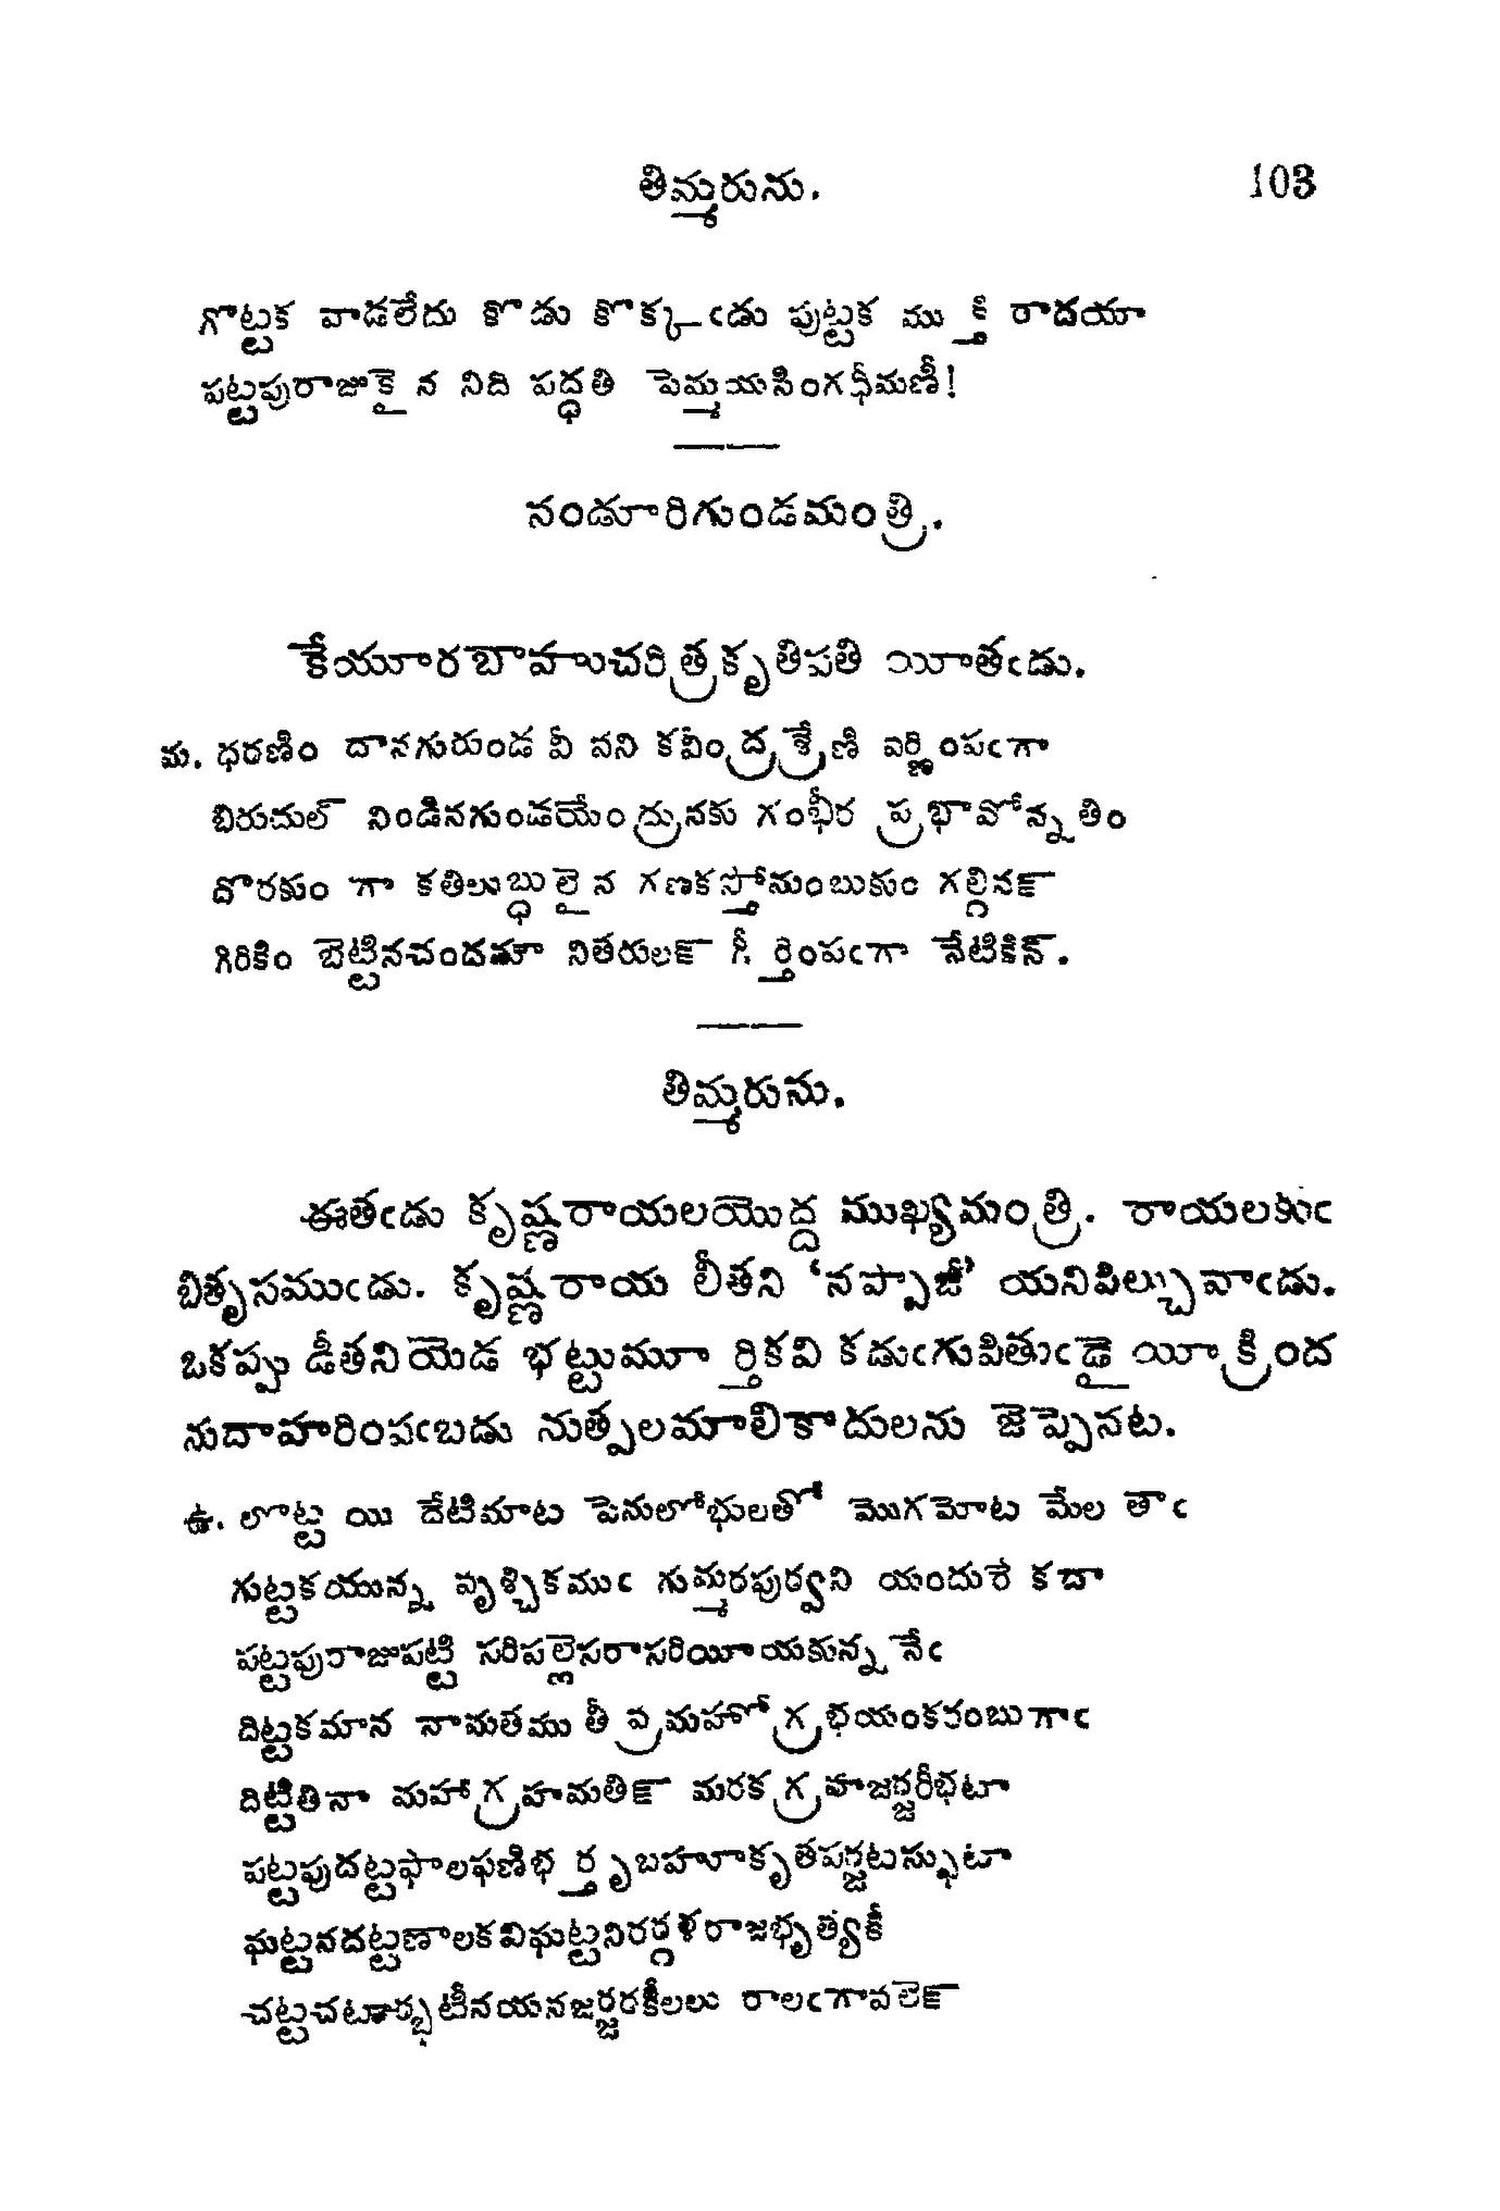గొట్టక వాడలేదు కొడు కొక్కఁడు పుట్టక ముక్తి రాదయా
 పట్టపురాజుకైన నిది పద్ధతి పెమ్మయసింగధీమణీ!

కేయూరబాహుచరిత్ర కృతిపతి యీతఁడు.
మ. ధరణిం దానగురుండ వీ వని కవీంద్రశ్రేణి వర్ణింపఁగా
 బిరుదుల్ నిండినగుండయేంద్రునకు గంభీరప్రభావోన్నతిం
 దొరకుం గా కతిలుబ్ధులైన గణకస్తోమంబుకుం గల్గినన్
 గిరికిం బెట్టినచందమౌ నితరులన్ గీర్తింపఁగా నేటికిన్.

ఈతఁడు కృష్ణదేవరాయలయొద్ద ముఖ్యమంత్రి. రాయలకుఁ బితృసముఁడు. కృష్ణరాయ లీతని ‘నప్పాజీ’ యని పిల్చువాఁడు. ఒకప్పు డీతనియెడ భట్టుమూర్తికవి కడుఁ గుపితుఁడై యీక్రింద నుదాహరింపఁబడు నుత్పలమాలికాదులను జెప్పెనఁట.
ఉ. లొట్ట యి దేటిమాట పెనులోభులతో మొగమాట మేల తాఁ
 గుట్టకయున్న వృశ్చికముఁ గుమ్మరపుర్వని యందురే కదా
 పట్టపురాజుపట్టి సరిపల్లెసరాసరి యీయకున్న నేఁ
 దిట్టకమాన మహాగ్రహమతిన్ మరకగ్రహజర్జరీభటా
 పట్టనదట్టఫాలపణిభర్తృబహూకృతపర్జటస్ఫుటా
 ఘట్టపుదట్టణాలకవిఘట్టనిరర్గళరాజభృత్యకీ
 చట్టచటార్భటీనయనజర్జరకీలలు రాలఁగావలెన్